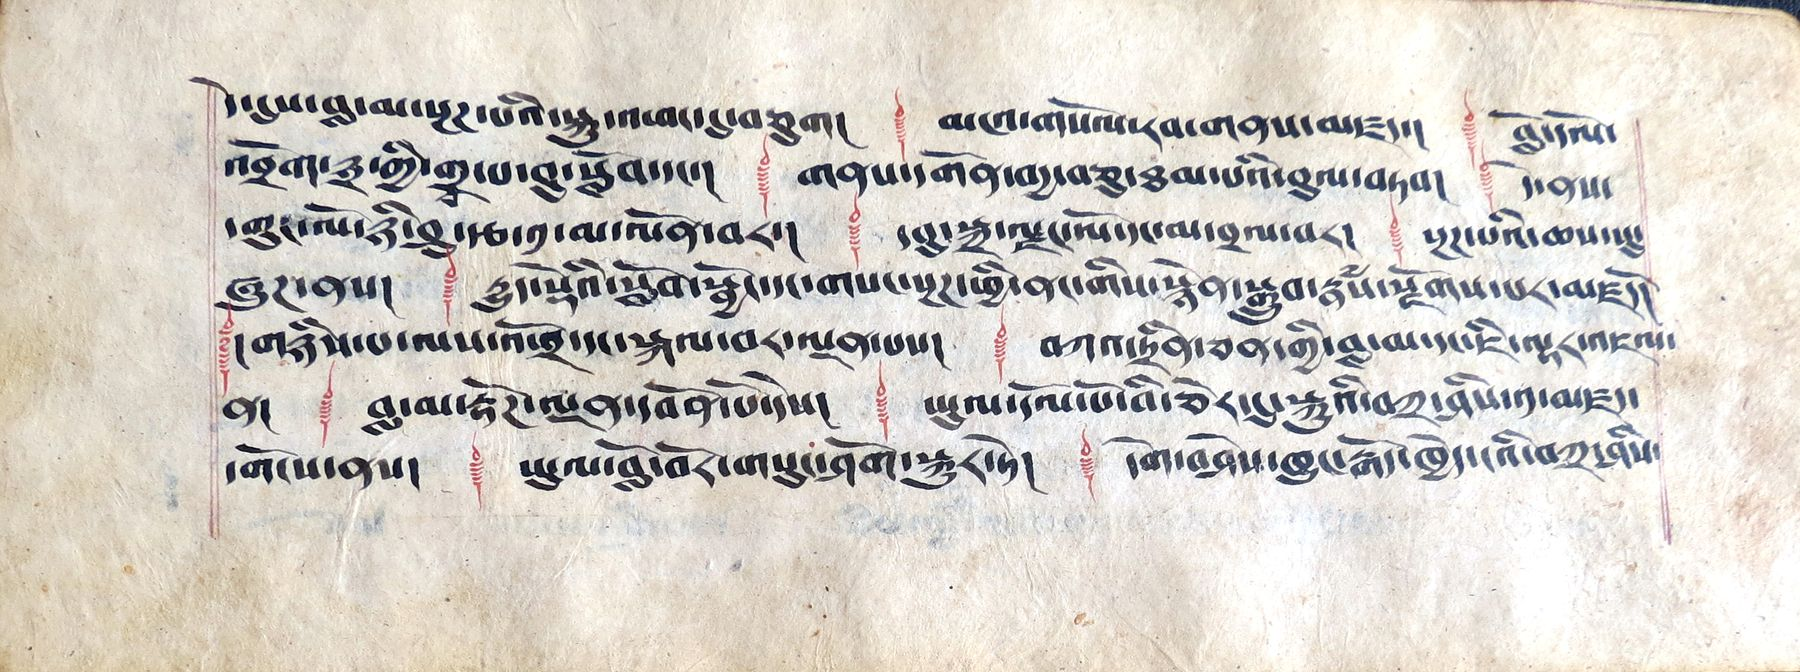དེ་དུས་བླ་མ་སྔགས་པའི་སྐུ་འཕངས་དུ་བཅུག མངའ་གསོལ་རབ་གནས་མཛད། གློ་དོལ་
འབྲོག་གསུམ་གྱི་གྲྭ་པ་བུ་སློབ་དང་། གནས་དགོན་བརྒྱད་ཅུ་ཐམ་པའི་འབུལ་བ་བཏངས། དེ་ནས་
དགུང་ལོ་ཉི་ཤུ་རྩ་གཅིག་མ་ལོན་བར། དབུ་སྐྲ་ལྕང་ལོ་དང་མ་བྲལ་བར། སྔགས་པའི་ཆས་སུ་
ཞུགས་ནས། རྒྱུད་སྡེའི་བློ་སྦྱོངས་གསང་སྔགས་ཕྱི་ནང་གི་བསྙེན་སྒྲུབ་རྣམས་རྫོགས་པར་མཛད་དོ། 
། གཉིས་པ་ལས་འཕྲོ་དང་སྐལ་པར་ལྡན་པས། བཀའ་དྲིན་ཅན་གྱི་བླ་མ་ཇི་ལྟར་མཇལ་
ན། བླ་མ་རྟོགས་ལྡན་དབོན་པོ་དེས། ཡུལ་དོལ་པོ་བི་ཅེར་དུ་སྐུར་བཀྲ་ཤིས་ཤིག་མཛད་
དགོངས་ནས། ཡུལ་གློ་བོར་གསུང་ཤོག་བསྐུར་ཏེ། དགེ་བཤེས་ཁྱུང་རྒོད་ཁྱེད་ངའི་བཀྲ་ཤིས་